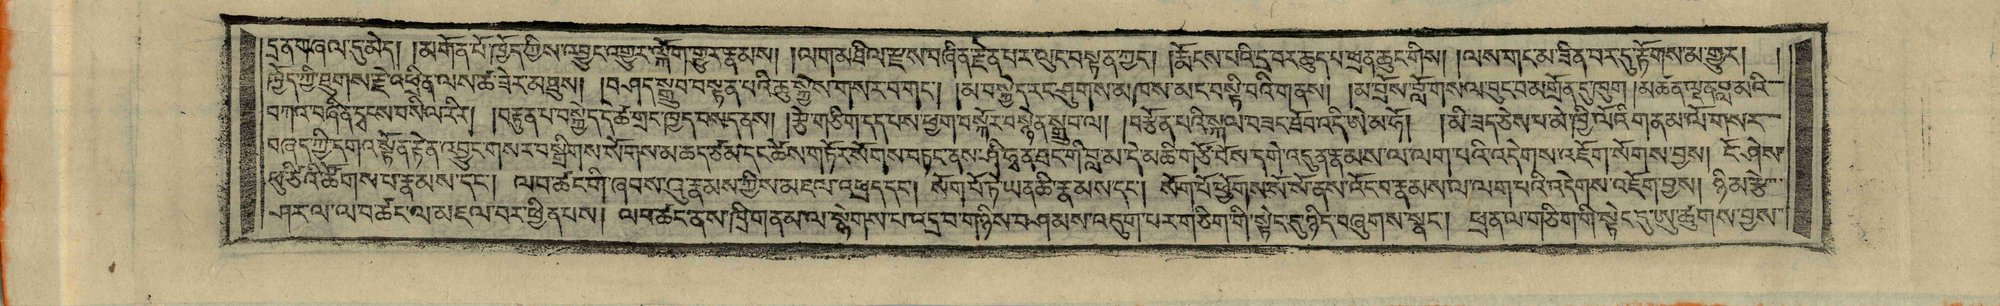དྲན་གཞལ་དུ་མེད། །མགོན་པོ་ཁྱོད་ཀྱིས་འབྱུང་འགྱུར་ལྐོག་གྱུར་རྣམས། །ལག་མཐིལ་རྫས་བཞིན་རྗེན་པར་ལུང་བསྟན་ཀྱང་། །རྨོངས་པའི་དྲ་བར་ཆུད་པ་ཕྲན་ཆུང་གིས། །ལས་གང་མ་ཟིན་བར་དུ་རྟོགས་མ་གྱུར། །
ཁྱོད་ཀྱི་ཐུགས་རྗེ་འཕྲིན་ལས་ཚ་ཟེར་མཐུས། །བཤད་སྒྲུབ་བསྟན་པའི་ཆུ་སྐྱེས་གསར་བ་གང་། །མ་བསྐྱེད་རང་ཤུགས་མཁས་མང་བསྟི་བའི་གནས། །མ་བྲོས་བློ་གསལ་བུང་བ་མགྲོན་དུ་ཁུག །མཚན་ལྡན་བླ་མའི་
བཀའ་བཞིན་དྭངས་བསིལ་རིར། །བརྟུན་པ་བསྐྱེད་དེ་ཚ་གྲང་ཁྱད་བསད་ནས། །རྩེ་གཅིག་དད་པས་ཕྱག་བསྐོར་བསྙེན་སྒྲུབ་ལ། །བརྩོན་པའི་སྐལ་བཟང་ཐོབ་འདི་ཨེ་མ་ཧོ། །མི་ཟད་ཅེས་པ་མེ་ཁྱི་ལོའི་གནམ་ལོ་གསར་
བཞད་ཀྱི་དགའ་སྟོན་རྟེན་འབྱུང་གསར་བསྒྲིགས་སོགས་མ་ཆད་ཙམ་དང་ཚེས་གཏོར་སོགས་བཏང་ནས་ཤི་ཧྭན་ཐང་གི་བླ་མ་དེ་མཆི་གཙོ་བོས་དགེ་འདུན་རྣམས་ལ་ལག་པའི་འདེགས་འཇོག་སོགས་བྱས། ངོ་ཤེས་
ཕུ་ཙིའི་ཚོགས་པ་རྣམས་དང་། ལབ་ཚང་གི་ཞབས་ཞུ་རྣམས་ཀྱིས་མཇལ་འཕྲད་དང་། སོག་པོ་ཏེ་ཡན་ཆི་རྣམས་དང་། སོག་པོ་ཕྱོགས་སོ་སོ་ནས་འོང་བ་རྣམས་ལ་ལག་པའི་འདེགས་འཇོག་བྱས། ཉི་མ་རྩེ་
ཤར་ལ་ལ་བ་ཚང་ལ་མཇལ་བར་ཕྱིན་པས། ལབ་ཚང་ནས་ཁྲི་གནམ་ལ་སྙེགས་པ་འདྲ་བ་གཉིས་བཤམས་འདུག་པར་གཅིག་གི་སྟེང་དུ་ཉིད་བཞུགས་སྣང་། ཕྲན་ལ་གཅིག་གི་སྟེང་དུ་ཨུ་ཚུགས་བྱས་